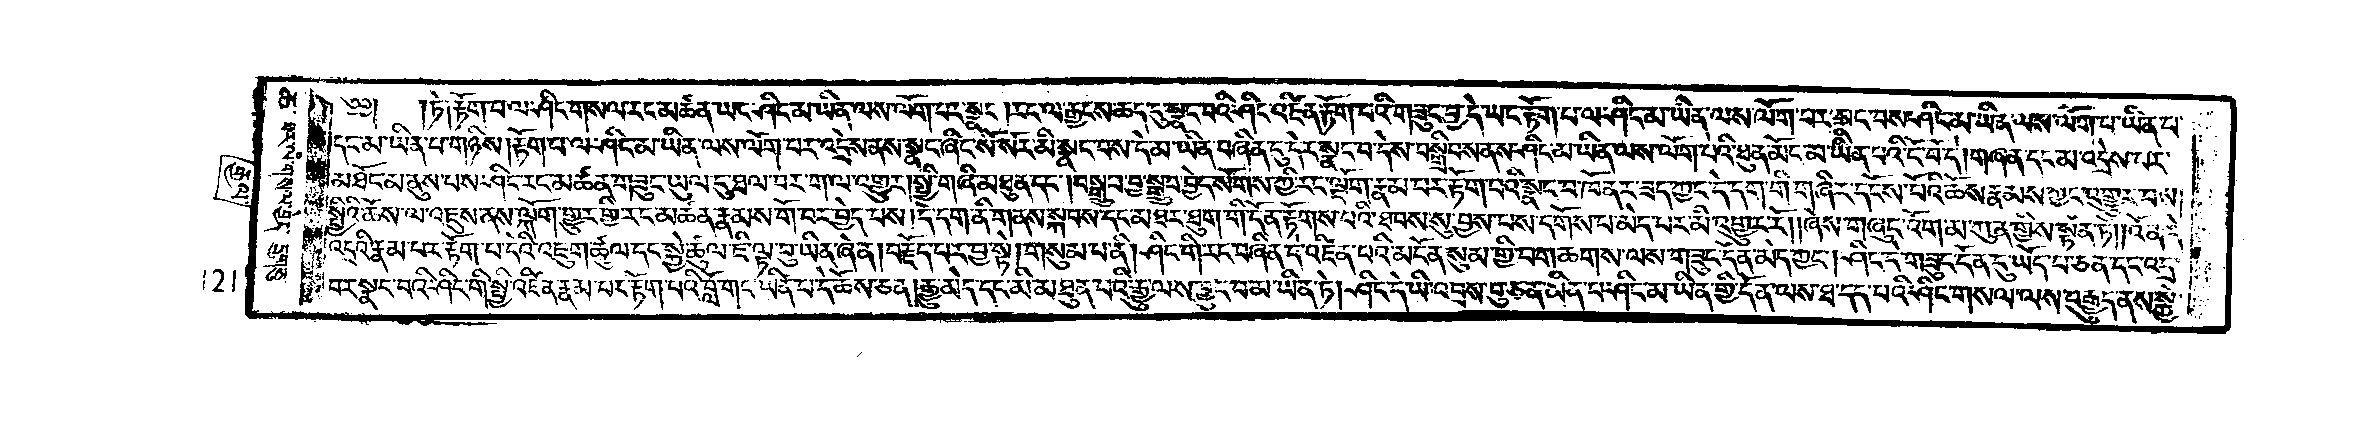༄༅། །ཏེ། རྟོག་པ་ལ་ཤིང་གསལ་རང་མཚན་ཡང་ཤིང་མ་ཡིན་ལས་ལོག་པར་སྣང་།རང་ལ་རྒྱངས་ཆད་དུ་སྣང་བའི་ཤིང་འཛིན་རྟོག་པའི་གཟུང་བྱ་དེ་ཡང་རྟོག་པ་ལ་ཤིང་མ་ཡིན་ལས་ལོག་པར་སྣང་བས་ཤིང་མ་ཡིན་ལས་ལོག་པ་ཡིན་པ་
དང་མ་ཡིན་པ་གཉིས། རྟོག་པ་ལ་ཤིང་མ་ཡིན་ལས་ལོག་པར་འདྲེས་ནས་སྣང་ཞིང་སོ་སོར་མི་སྣང་བས་དེ་མ་ཡིན་བཞིན་དུ་དེར་སྣང་བ་དེས་བསྒྲིབས་ནས་ཤིང་མ་ཡིན་ལས་ལོག་པའི་ཐུན་མོང་མ་ཡིན་པའི་ངོ་བོ་དེ། གཞན་དང་མ་འདྲེས་པར་
མཐོང་མ་ནུས་པས་ཤིང་རང་མཚན་གཟུང་ཡུལ་དུ་ཐལ་བར་ག་ལ་འགྱུར། སྤྱི་གཞི་མཐུན་དང་། བསྒྲུབ་བྱ་སྒྲུབ་བྱེད་སོགས་ཀྱི་རང་ལྡོག་རྣམ་པར་རྟོག་པའི་སྣང་བ་ཁོ་ནར་ཟད་ཀྱང་དེ་དག་གི་གཞིར་དངོས་པོའི་ཆོས་རྣམས་ཀྱང་འགྱུར་བས།
སྤྱིའི་ཆོས་ལ་འཇུས་ནས་ལྡོག་གྱུར་གྱི་རང་མཚན་རྣམས་གོ་བར་བྱེད་པས། དེ་དག་ནི་གནས་སྐབས་དང་མཐར་ཐུག་གི་དོན་རྟོགས་པའི་ཐབས་སུ་བྱས་པས་དགོས་པ་མེད་པར་མི་འགྱུར་རོ། །ཞེས་གཞུང་འོག་མ་ཀུན་གྱིས་སྟོན་ཏོ། །འོ་ན་དེ་
འདྲའི་རྣམ་པར་རྟོག་པ་དེའི་འཇུག་ཚུལ་དང་སྐྱེ་ཚུལ་ཇི་ལྟ་བུ་ཡིན་ཞེ་ན། བརྗོད་པར་བྱ་སྟེ། གསུམ་པ་ནི། ཤིང་གི་རང་བཞིན་དེ་འཛིན་པའི་མངོན་སུམ་གྱི་བག་ཆགས་ལས་གཟུང་དོན་མེད་ཀྱང་། ཤིང་དེ་གཟུང་དོན་དུ་ཡོད་པ་ཅན་དང་འདྲ་
བར་སྣང་བའི་ཤིང་གི་སྤྱི་འཛིན་རྣམ་པར་རྟོག་པའི་བློ་གང་ཡིན་པ་དེ་ཆོས་ཅན། རྒྱུ་མེད་དང་མི་མཐུན་པའི་རྒྱུ་ལས་བྱུང་བ་མ་ཡིན་ཏེ། ཤིང་དེ་ཡི་འབྲས་བུ་ཅན་མིན་པ་ཤིང་མ་ཡིན་གྱི་དོན་ལས་ཐ་དད་པའི་ཤིང་གསལ་ལས་བརྒྱུད་ནས་སྐྱེ་